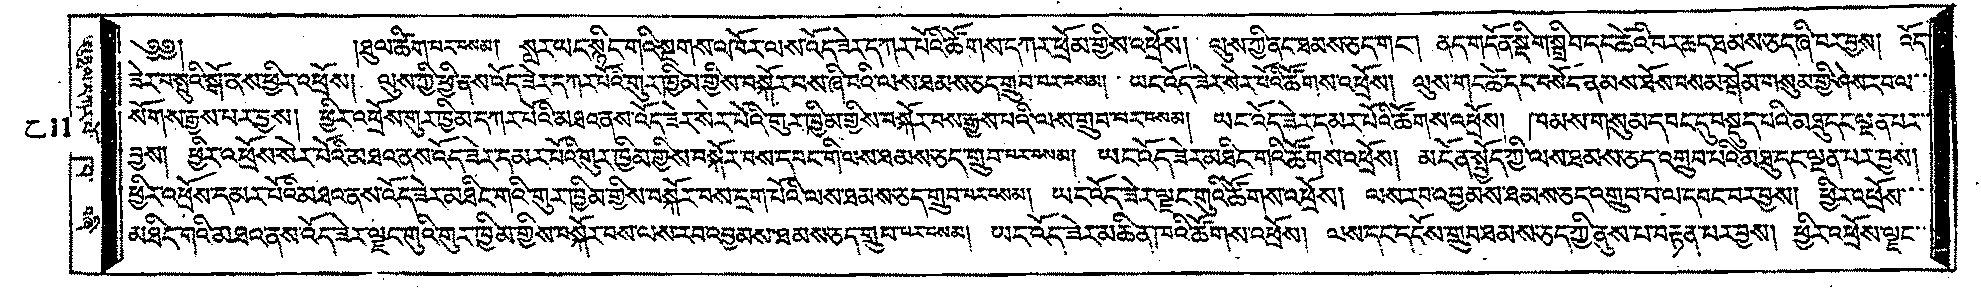༄༅། །ཐུལ་ཚིག་པར་བསམ།  སླར་ཡང་སྙིང་གའི་སྔགས་འཁོར་ལས་འོད་ཟེར་དཀར་པོའི་ཚོགས་དཀར་ཕྲོམ་གྱིས་འཕྲོས། ལུས་ཀྱི་ནང་ཐམས་ཅད་གང་། ནད་གདོན་སྡིག་སྒྲིབ་དང་ཚེའི་བར་ཆད་ཐམས་ཅད་ཞི་བར་བྱས། འོད་
ཟེར་བ་སྤུའི་སྒོ་ནས་ཕྱིར་འཕྲོས། ལུས་ཀྱི་ཕྱི་ནས་འོད་ཟེར་དཀར་པོའི་གུར་ཁྱིམ་གྱིས་བསྐོར་བས་ཞི་བའི་ལས་ཐམས་ཅད་གྲུབ་པར་བསམ།  ཡང་འོད་ཟེར་སེར་པོའི་ཚོགས་འཕྲོས། ལུས་གང་ཚེ་དང་བསོད་ནམས་ཐོས་བསམ་སྒོམ་གསུམ་གྱི་ཤེས་རབ་ལ་་་
སོགས་རྒྱས་པར་བྱས། ཕྱིར་འཕྲོས་གུར་ཁྱིམ་དཀར་པོའི་མཐའ་ནས་འོད་ཟེར་སེར་པོའི་གུར་ཁྱིམ་གྱིས་བསྐོར་བས་རྒྱས་པའི་ལས་གྲུབ་པར་བསམ།  ཡང་འོད་ཟེར་དམར་པོའི་ཚོགས་འཕྲོས། ཁམས་གསུམ་དབང་དུ་བསྡུས་པའི་མཐུ་དང་ལྡན་པར་
བྱས། ཕྱིར་འཕྲོས་སེར་པོའི་མཐའ་ནས་འོད་ཟེར་དམར་པོའི་གུར་ཁྱིམ་གྱིས་བསྐོར་བས་དབང་གི་ལས་ཐམས་ཅད་གྲུབ་པར་བསམ།  ཡང་འོད་ཟེར་མཐིང་གའི་ཚོགས་འཕྲོས། མངོན་སྤྱོད་ཀྱི་ལས་ཐམས་ཅད་འགྲུབ་པའི་མཐུ་དང་ལྡན་པར་བྱས།
ཕྱིར་འཕྲོས་དམར་པོའི་མཐའ་ནས་འོད་ཟེར་མཐིང་གའི་གུར་ཁྱིམ་གྱིས་བསྐོར་བས་དྲག་པོའི་ལས་ཐམས་ཅད་གྲུབ་པར་བསམ།  ཡང་འོད་ཟེར་ལྗང་གུའི་ཚོགས་འཕྲོས། ལས་རབ་འབྱམས་ཐམས་ཅད་འགྲུབ་པ་ལ་དབང་བར་བྱས། ཕྱིར་འཕྲོས་་་
མཐིང་གའི་མཐའ་ནས་འོད་ཟེར་ལྗང་གུའི་གུར་ཁྱིམ་གྱིས་བསྐོར་བས་ལས་རབ་འབྱམས་ཐམས་ཅད་གྲུབ་པར་བསམ།  ཡང་འོད་ཟེར་མཆིན་ཁའི་ཚོགས་འཕྲོས། ལས་དང་དངོས་གྲུབ་ཐམས་ཅད་ཀྱི་ནུས་པ་བརྟན་པར་བྱས། ཕྱིར་འཕྲོས་ལྗང་་་